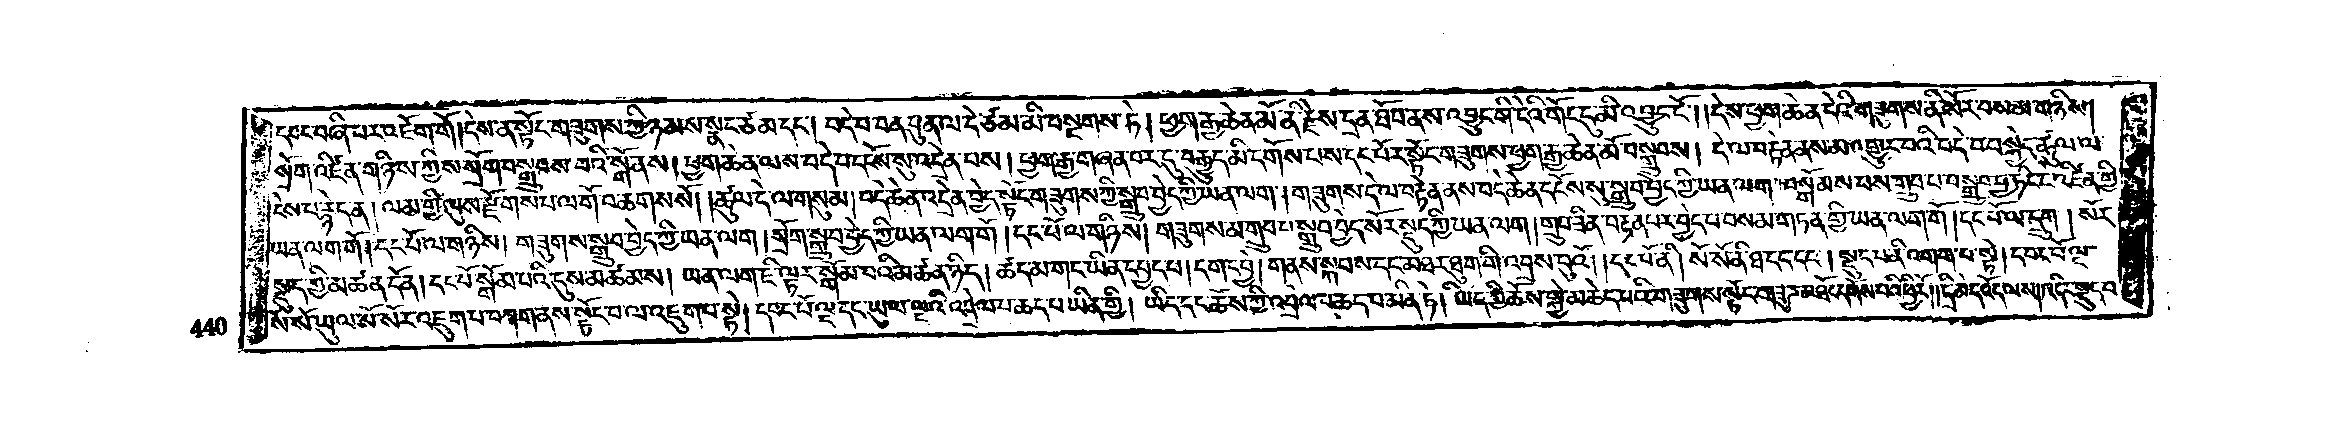དབང་བཞི་པར་འཇོག་གོ །དེས་ན་སྟོང་གཟུགས་ཀྱི་ཉམས་སྣང་ཙམ་དང་། བདེ་བ་བན་པུན་ལ་དེ་ཙམ་མི་བསྔགས་ཏེ། ཕྱག་རྒྱ་ཆེན་མོ་ནི་རྗེས་དྲན་ཐོབ་ནས་འབྱུང་གི་དེའི་གོང་དུ་མི་འབྱུང་ངོ། །དེས་ཕྱག་ཆེན་དེའི་གཟུགས་ནི་སོར་བསམ་གཉིས།
སྲོག་འཛིན་གཉིས་ཀྱིས་སྲོག་བསྒྲུབས་པའི་སྒོ་ནས། ཕྱག་ཆེན་ལས་བདེ་བ་དངོས་སུ་འདྲེན་པས། ཕྱག་རྒྱ་གཞན་བར་དུ་བརྒྱུད་མི་དགོས་པས་དང་པོར་སྟོང་གཟུགས་ཕྱག་རྒྱ་ཆེན་མོ་བསྒྲུབས། དེ་ལ་བརྟེན་ནས་མ་འགྱུར་བའི་བདེ་བ་བསྐྱེད་ཚུལ་ལ་
ངེས་པ་རྙེད་ན། ལམ་གྱི་ལུས་རྫོགས་པ་ལ་གོ་བ་ཆགས་སོ། །ཚུལ་དེ་ལ་གསུམ། བདེ་ཆེན་འདྲེན་བྱེད་སྟོང་གཟུགས་ཀྱི་སྒྲུབ་བྱེད་ཀྱི་ཡན་ལག །གཟུགས་དེ་ལ་བརྟེན་ནས་བདེ་ཆེན་དངོས་སུ་སྒྲུབ་བྱེད་ཀྱི་ཡན་ལག་བསྒོམས་པས་གྲུབ་པ་བསྒྲུབ་བྱ་ཏིང་ངེ་འཛིན་གྱི་
ཡན་ལག་གོ །དང་པོ་ལ་གཉིས། གཟུགས་སྒྲུབ་བྱེད་ཀྱི་ཡན་ལག །སྲོག་སྒྲུབ་བྱེད་ཀྱི་ཡན་ལག་གོ །དང་པོ་ལ་གཉིས། གཟུགས་མ་གྲུབ་པ་སྒྲུབ་བྱེད་སོར་སྡུད་ཀྱི་ཡན་ལག །གྲུབ་ཟིན་བརྟན་པར་བྱེད་པ་བསམ་གཏན་གྱི་ཡན་ལག་གོ །དང་པོ་ལ་དྲུག །སོར་
སྡུད་ཀྱི་མཚན་དོན། དང་པོ་སྒོམ་པའི་དུས་མཚམས། ཡན་ལག་ཇི་ལྟར་སྒོམ་པའི་མཚན་ཉིད། ཚད་མ་གང་ཡིན་དཔྱད་པ། དག་དབྱེ། གནས་སྐབས་དང་མཐར་ཐུག་གི་འབྲས་བུའོ། །དང་པོ་ནི། སོ་སོ་ནི་ཐ་དད་དང་། སྡུད་པ་ནི་འགག་པ་སྟེ། དབང་པོ་ལྔ་
སོ་སོ་ཡུལ་སོ་སོར་འཇུག་པ་བཀག་ནས་སྟོང་པ་ལ་འཇུག་པ་སྟེ། དབང་པོ་ལྔ་དང་ཡུལ་ལྔའི་འབྲེལ་པ་ཆད་པ་ཡིན་གྱི། ཡིད་དང་ཆོས་ཀྱི་འབྲེལ་པ་ཆད་པ་མིན་ཏེ། ཡིད་ཀྱི་ཆོས་སྐྱེ་མཆེད་པའི་གཟུགས་སྟོང་གཟུགས་མཐོང་དགོས་པའི་ཕྱིར་རོ། །དྲི་མེད་འོད་ལས། འདིར་སྡུད་པ་